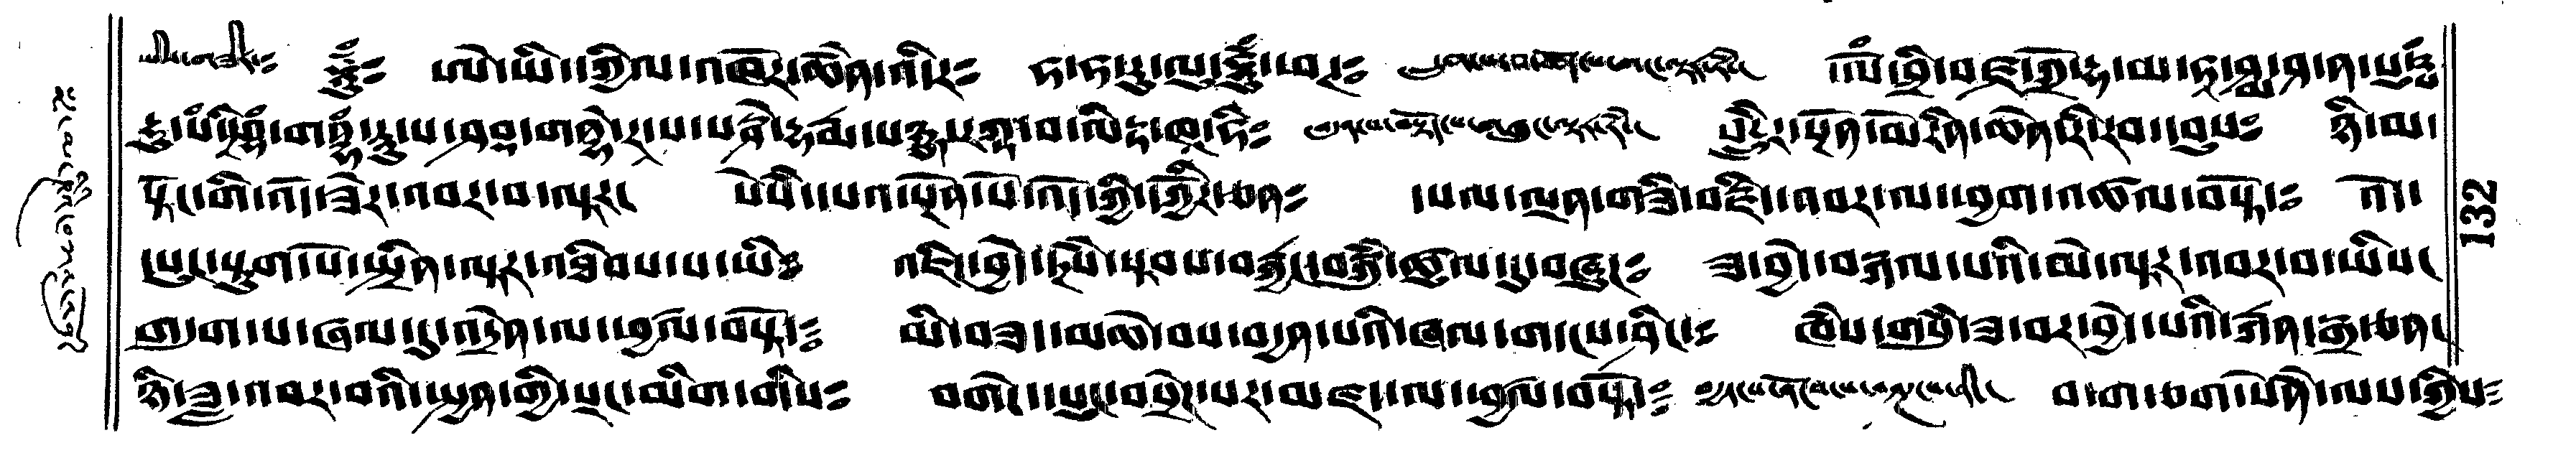ཡིས་གཟིར། ཧཱུྃ༔ ཨེ་ཡི་དཀྱིལ་འཁོར་ཆེན་པོ་འདིར༔ ཞེས་པ་ནས། ཧ་ཧ་རུ་ལུ་ཧཱུྃ་ཕཊ༔ བར་རོ། དྲུག་པ་མཆོད་པ་གོང་ལྟར་རམ། ཨོཾ་ཤྲི་བཛྲ་ཀྲོ་དྷ་མ་ཧཱ་ཤྨ་ཤ་ན་པུཥྤཾ་
དྷུ་དཱི་པཾ་གྷནྡྷཾ་རཱུ་པ་ཤབྡ་གྷནྡྷེ་རཱ་ས་པརྴེ་དྷ་པཉྩ་རཀྟ་བ་ལིངྟ་ཁཱ་ཧི༔ བདུན་པ་བསྟོད་པ་གཞུང་ལྟར་རམ། བཻ་ཌཱུར་སྔོན་མོ་རིན་ཆེན་རི་རབ་དབུས༔ ཉི་མ་
སྟོང་གི་འོད་ཟེར་འབར་བ་ལྟར༔ སེམས་དཔའ་སྔོན་པོ་འོད་ཀྱི་དཀྱིལ་འཁོར་ཅན༔ དཔལ་ལྡན་གཟི་བརྗིད་འབར་ལ་ཕྱག་འཚལ་བསྟོད༔ འོད་
དཔུང་སྟུག་པོ་སྤྲིན་ལྟར་འཐིབས་པ་ཡི༔ འཇིགས་བྱེད་རྔམ་སྟབས་རྐྱང་བསྐུམ་ཚུལ་དུ་བཞུགས༔ ཟ་བྱེད་བསྐལ་པའི་མེ་ལྟར་འབར་བ་ཡིས༔ 
གདུག་པ་ཞལ་དུ་འདྲེན་ལ་ཕྱག་འཚལ་བསྟོད༔ མི་བཟད་མཆེ་བས་བརྒྱན་པའི་ཞལ་གདངས་ཤིང༔ ཁམས་གསུམ་ཟ་བར་བྱེད་པའི་རྐན་སྒྲ་ཅན༔
ཉི་ཟླ་འབར་བའི་སྤྱན་གྱི་སྡང་མིག་གིས༔ བགེགས་དཔུང་སྲེག་པར་མཛད་ལ་ཕྱག་འཚལ་བསྟོད༔ བརྒྱད་པ་ནོངས་པ་བཤགས་པ་ནི། བདག་ཅག་སེམས་ཅན་ལས་ཀྱིས་